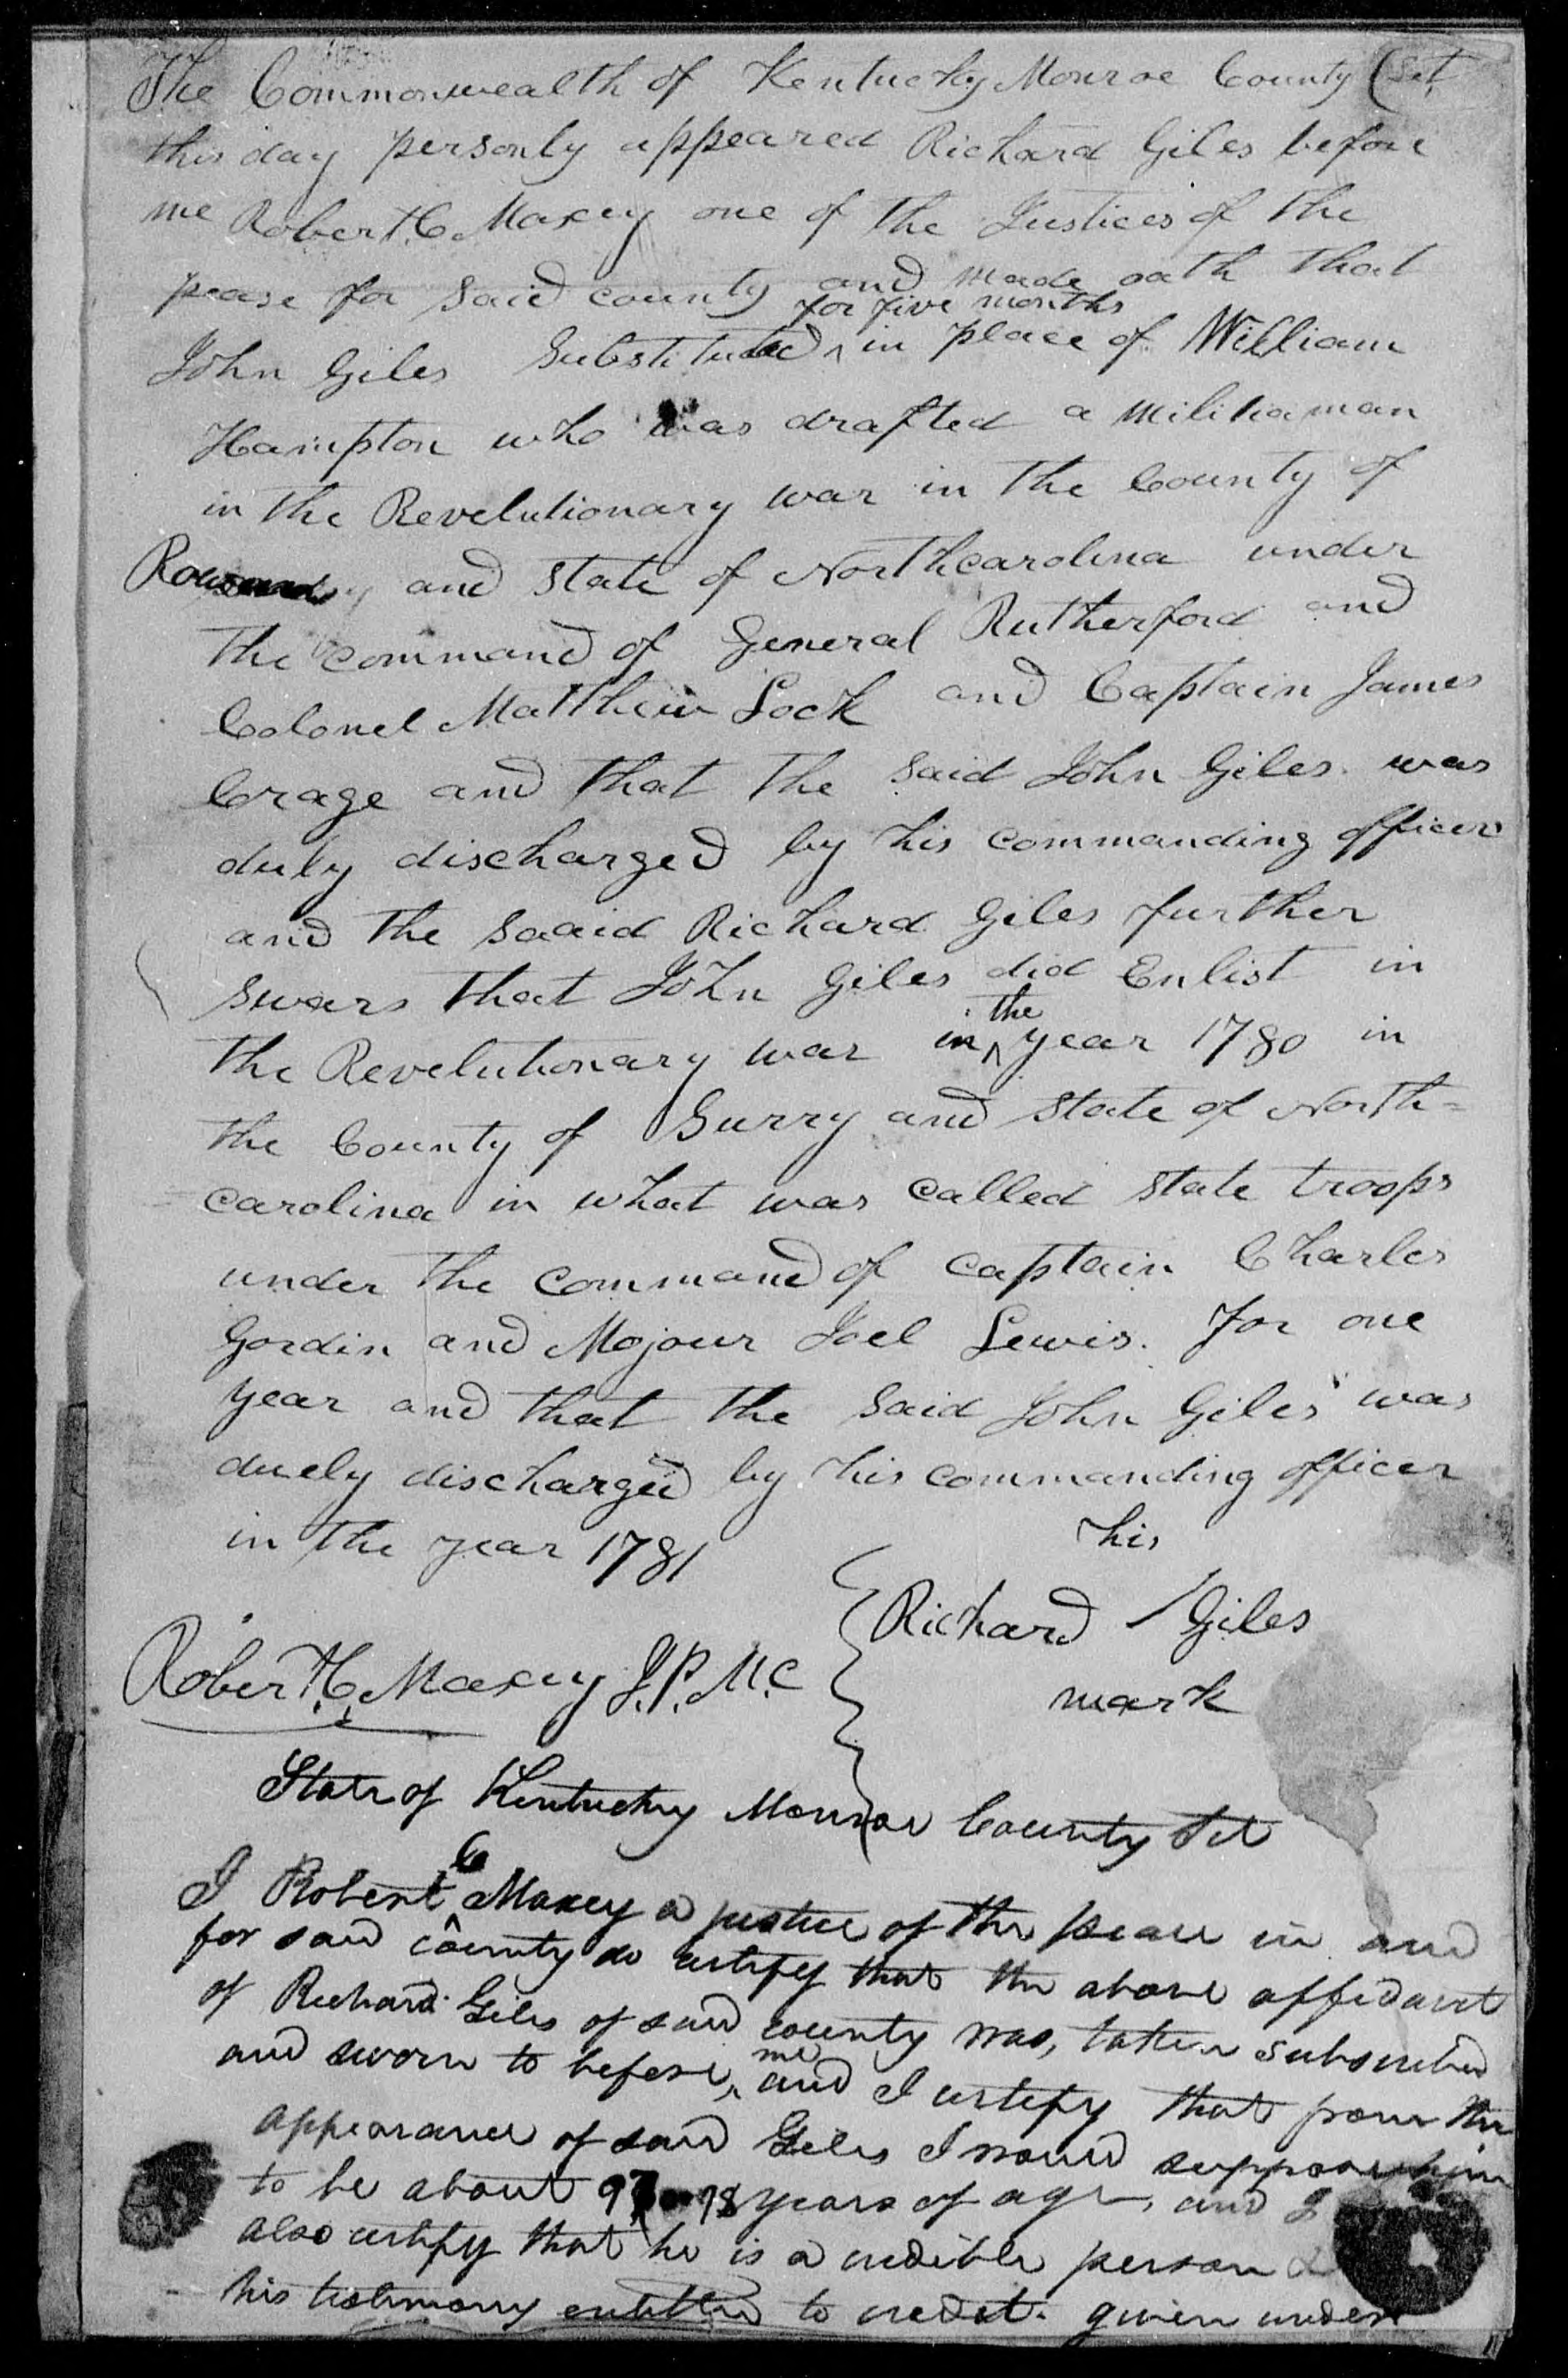The Commonwealth of Kentucky Monroe County Sct
this day personally appear Richard Giles before me Robert C. Maxey one of the justices of the peace for said county and made oath that John Giles substitutedfor five months in place of William Hampton who was drafted a militia man in the revolutionary war in the county of Rowan and state of North Carolina under the command of General Rutherford and Colone; Matthew Lock and Captain James Crage and that the said John Giles was duly discharged by his commanding officer and the said Richard Giles further swears that John Giles did enlist in the Revolutionary war in the year 1780 in the county of Surry and state of North Carolina in what was called state troops under the command of Captain Charles Gordin and Majour Joel Lewis for one year and that the said John Giles was duely discharged by his commanding officer in the year 1781
Richard his X mark Giles
Robert C. Maxey J.P.M.C.

State of Kentucky Monroe County Sct
I Robert C. Maxey a justice of the peace in and for said county do certify that the above affidavit of Richard Giles of said county was, taken subscribed and sworn to before me and I certify that from the appearance of said Giles I now support him to be about 97 or 98 years of age and I also certify that he is a credible person &_ his testimony entitled to credit given under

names: Joel Lewis, Rutherford, Richard Giles, William Hampton, Matthew Lock, Robert C Maxey, Robert C Maxey, John Giles, John Giles, Richard Giles, Giles, James Crage, Richard Giles, Charles Gorden, Robert C Maxey, John Giles, Richard Giles, John Giles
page: 63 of 82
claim: widow's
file: W. 7,522, John Giles, N.C.